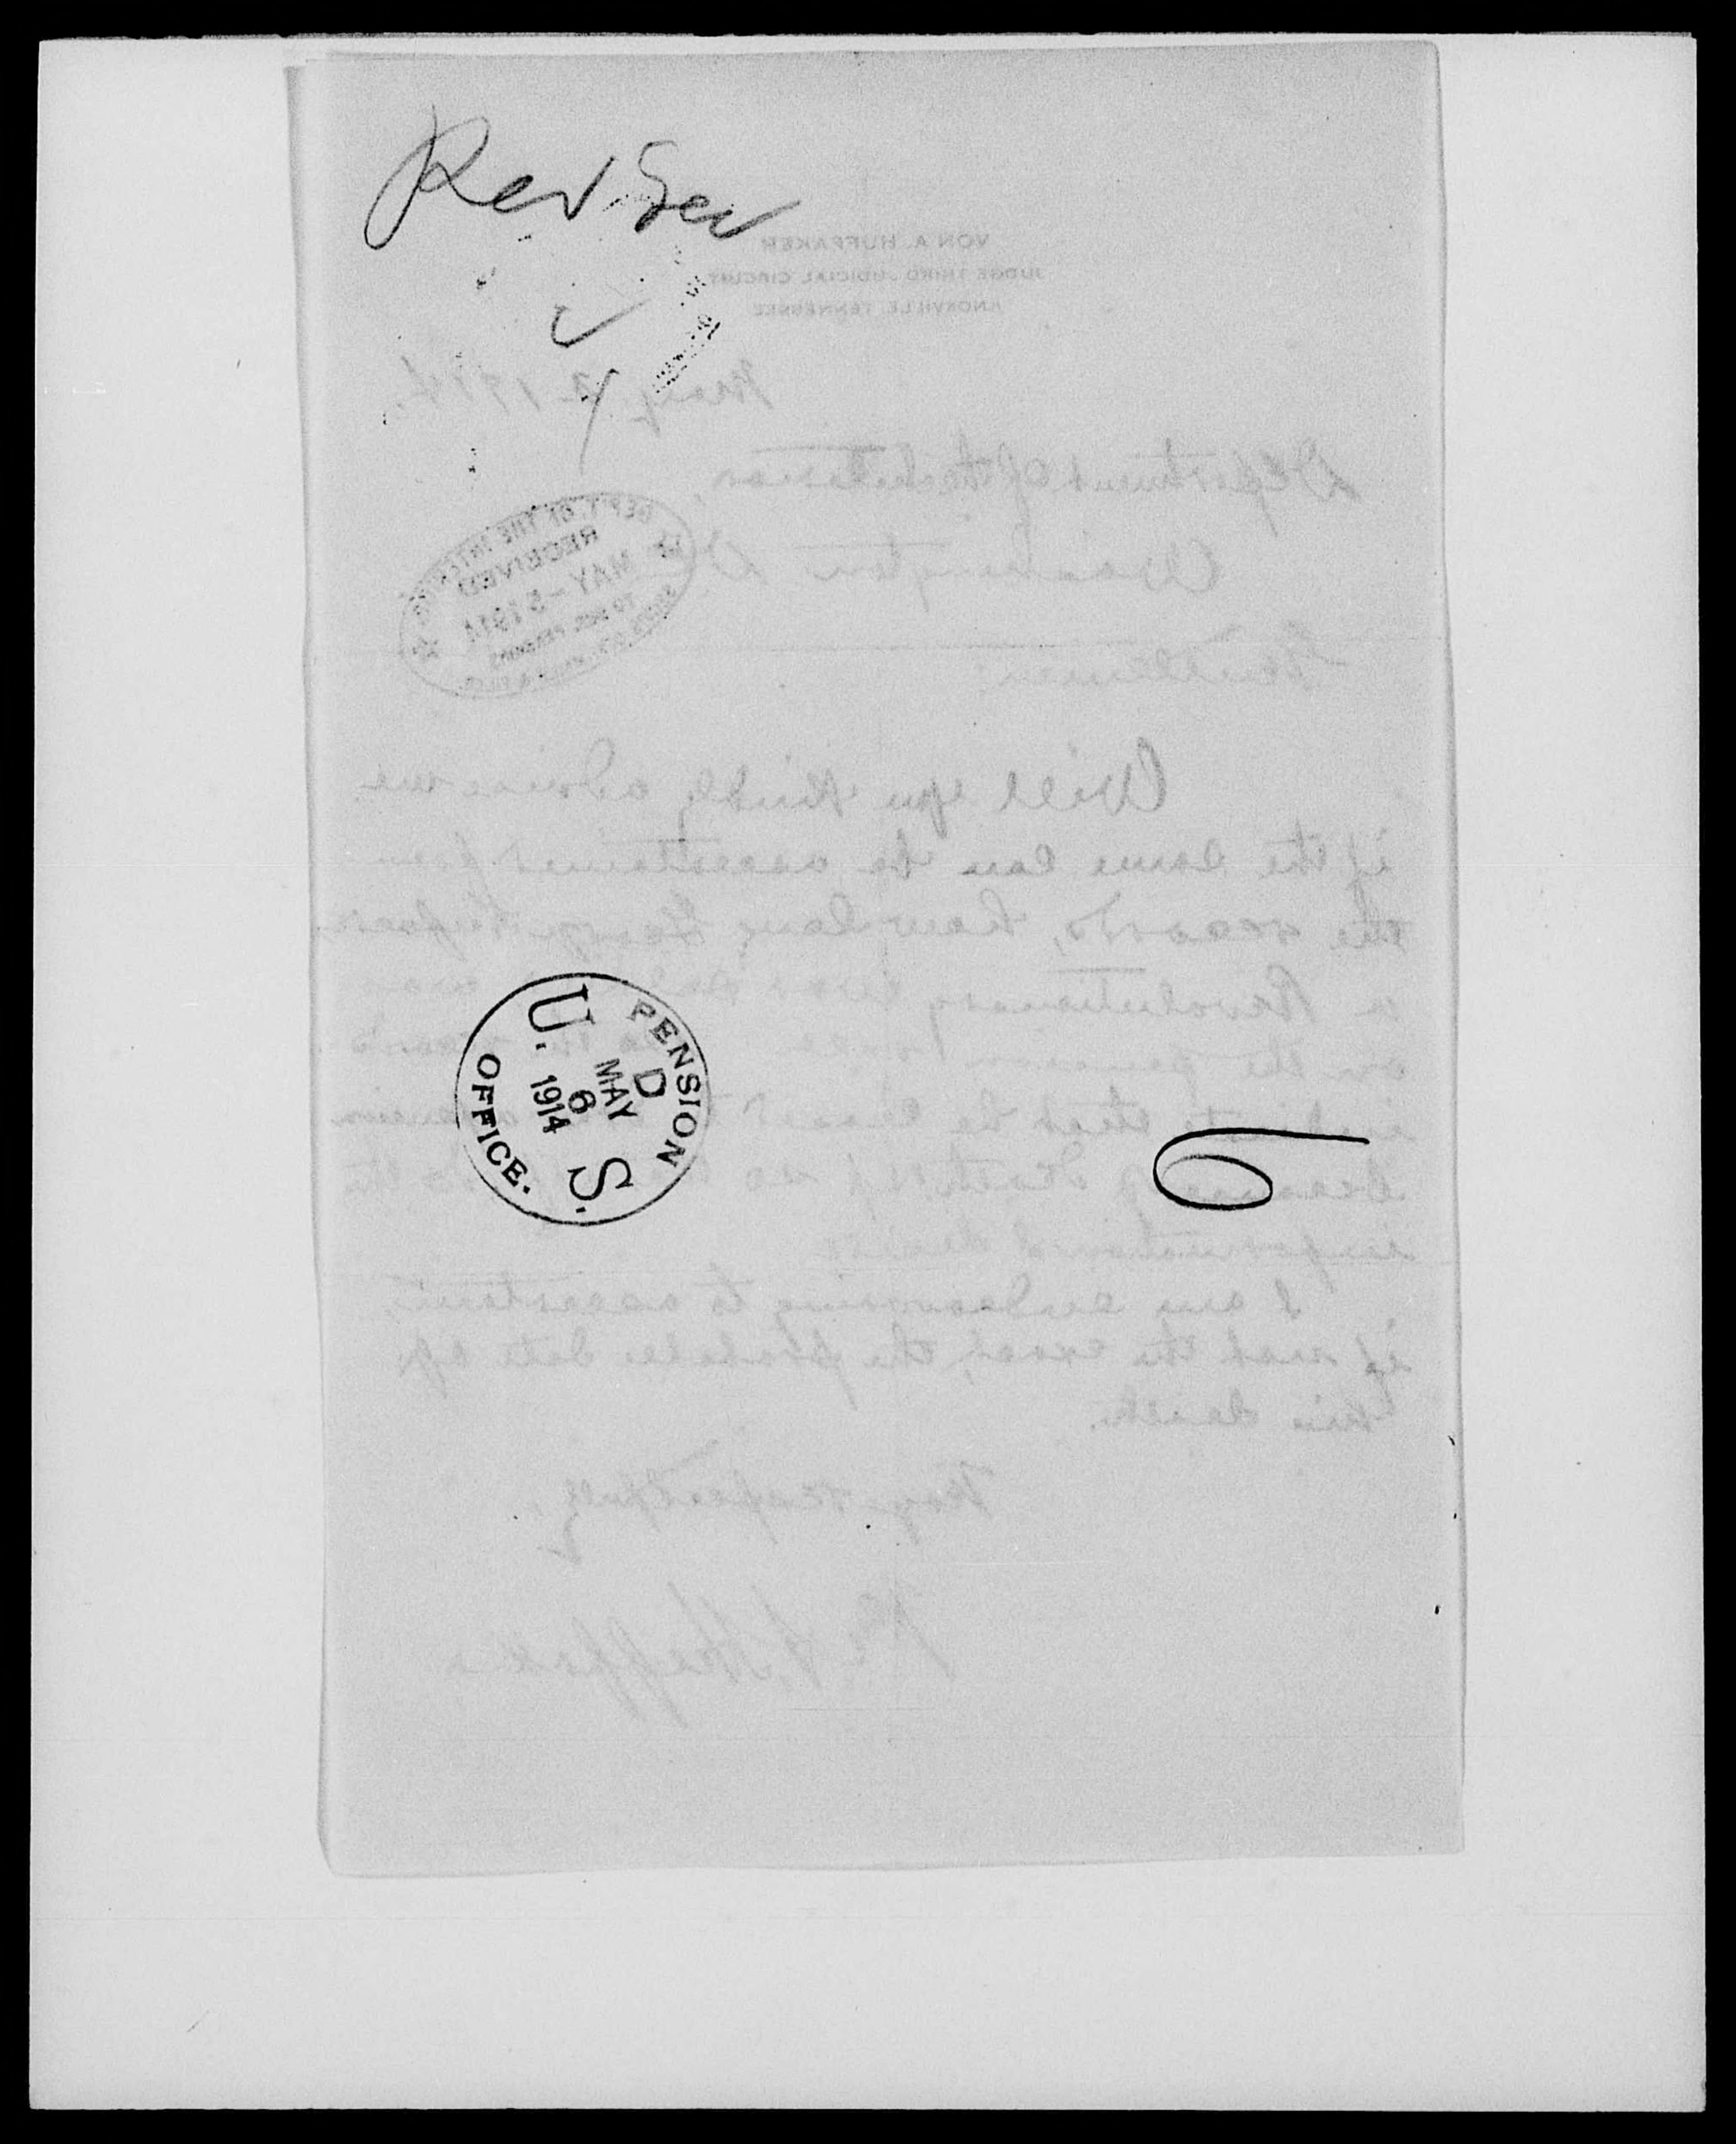Rev Sec

Pension 
D
May
U   6  S
1914
Office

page: 18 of 19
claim: survivor's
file: S. 1826, George Hufacre, Va.